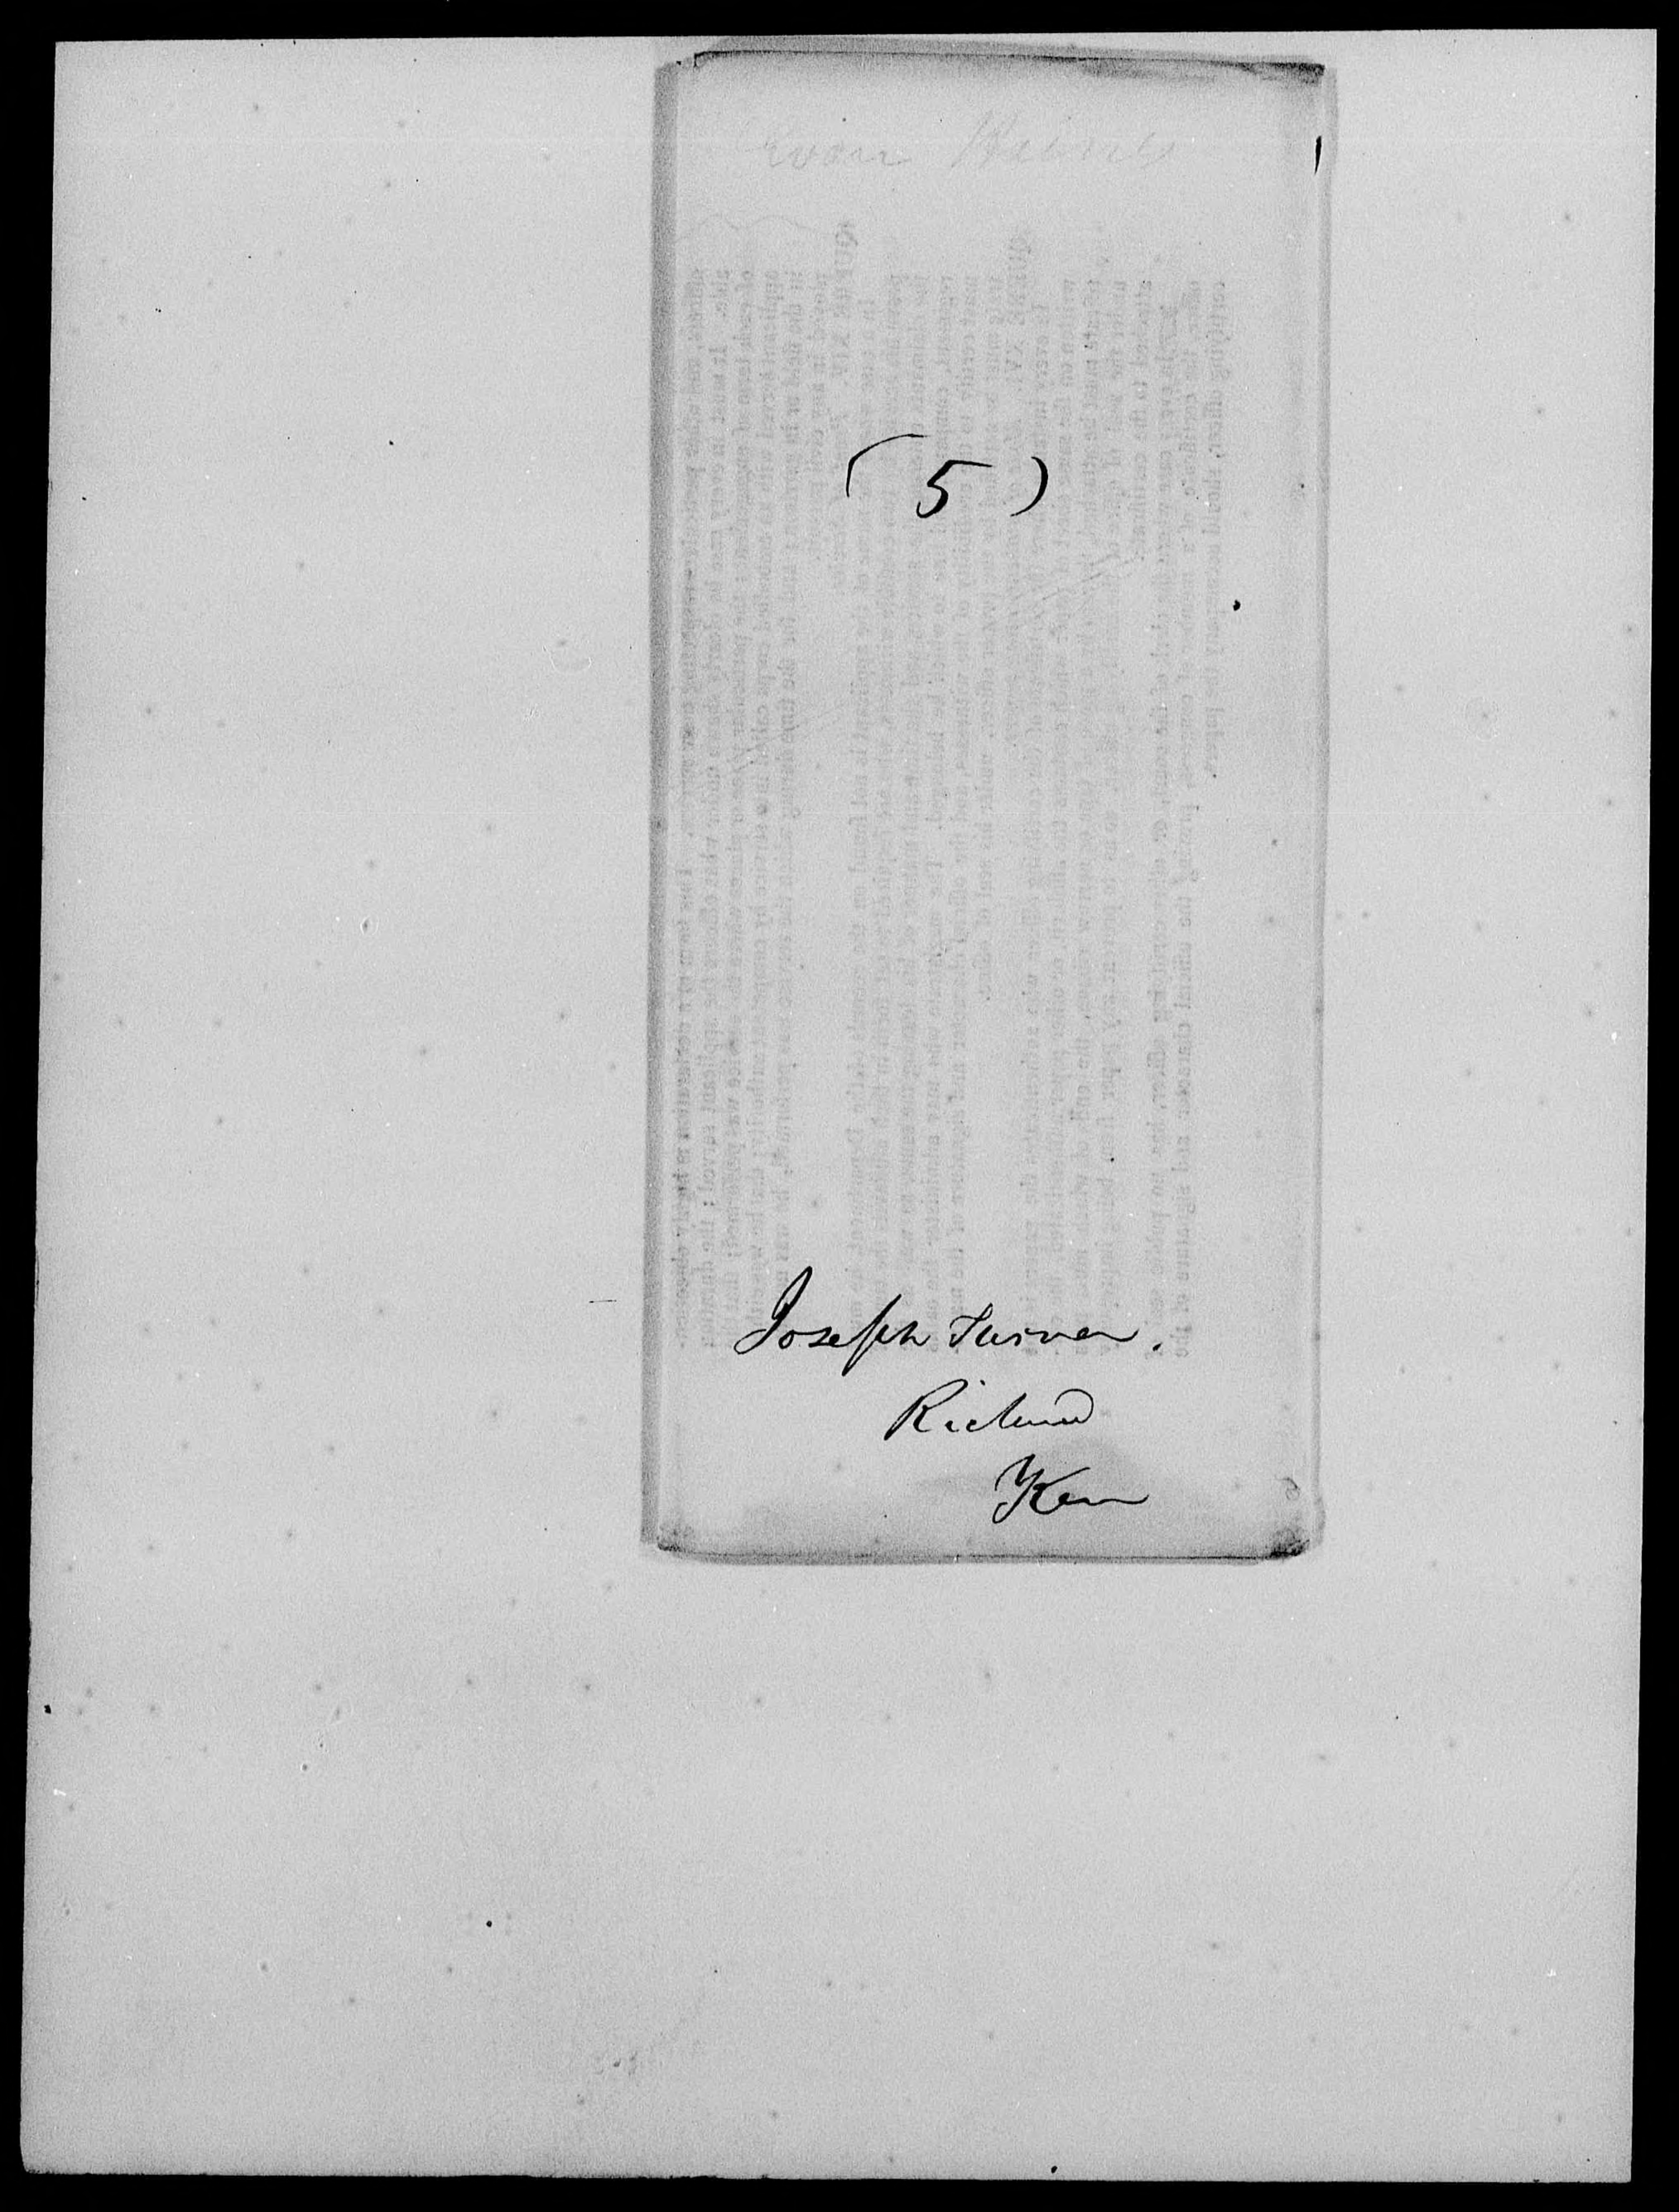(5)

Joseph Turner,

Richmond

Ken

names: Evan Haines, Joseph Turner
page: 24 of 34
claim: widow's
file: W. 8897, Evan Haines, Ga